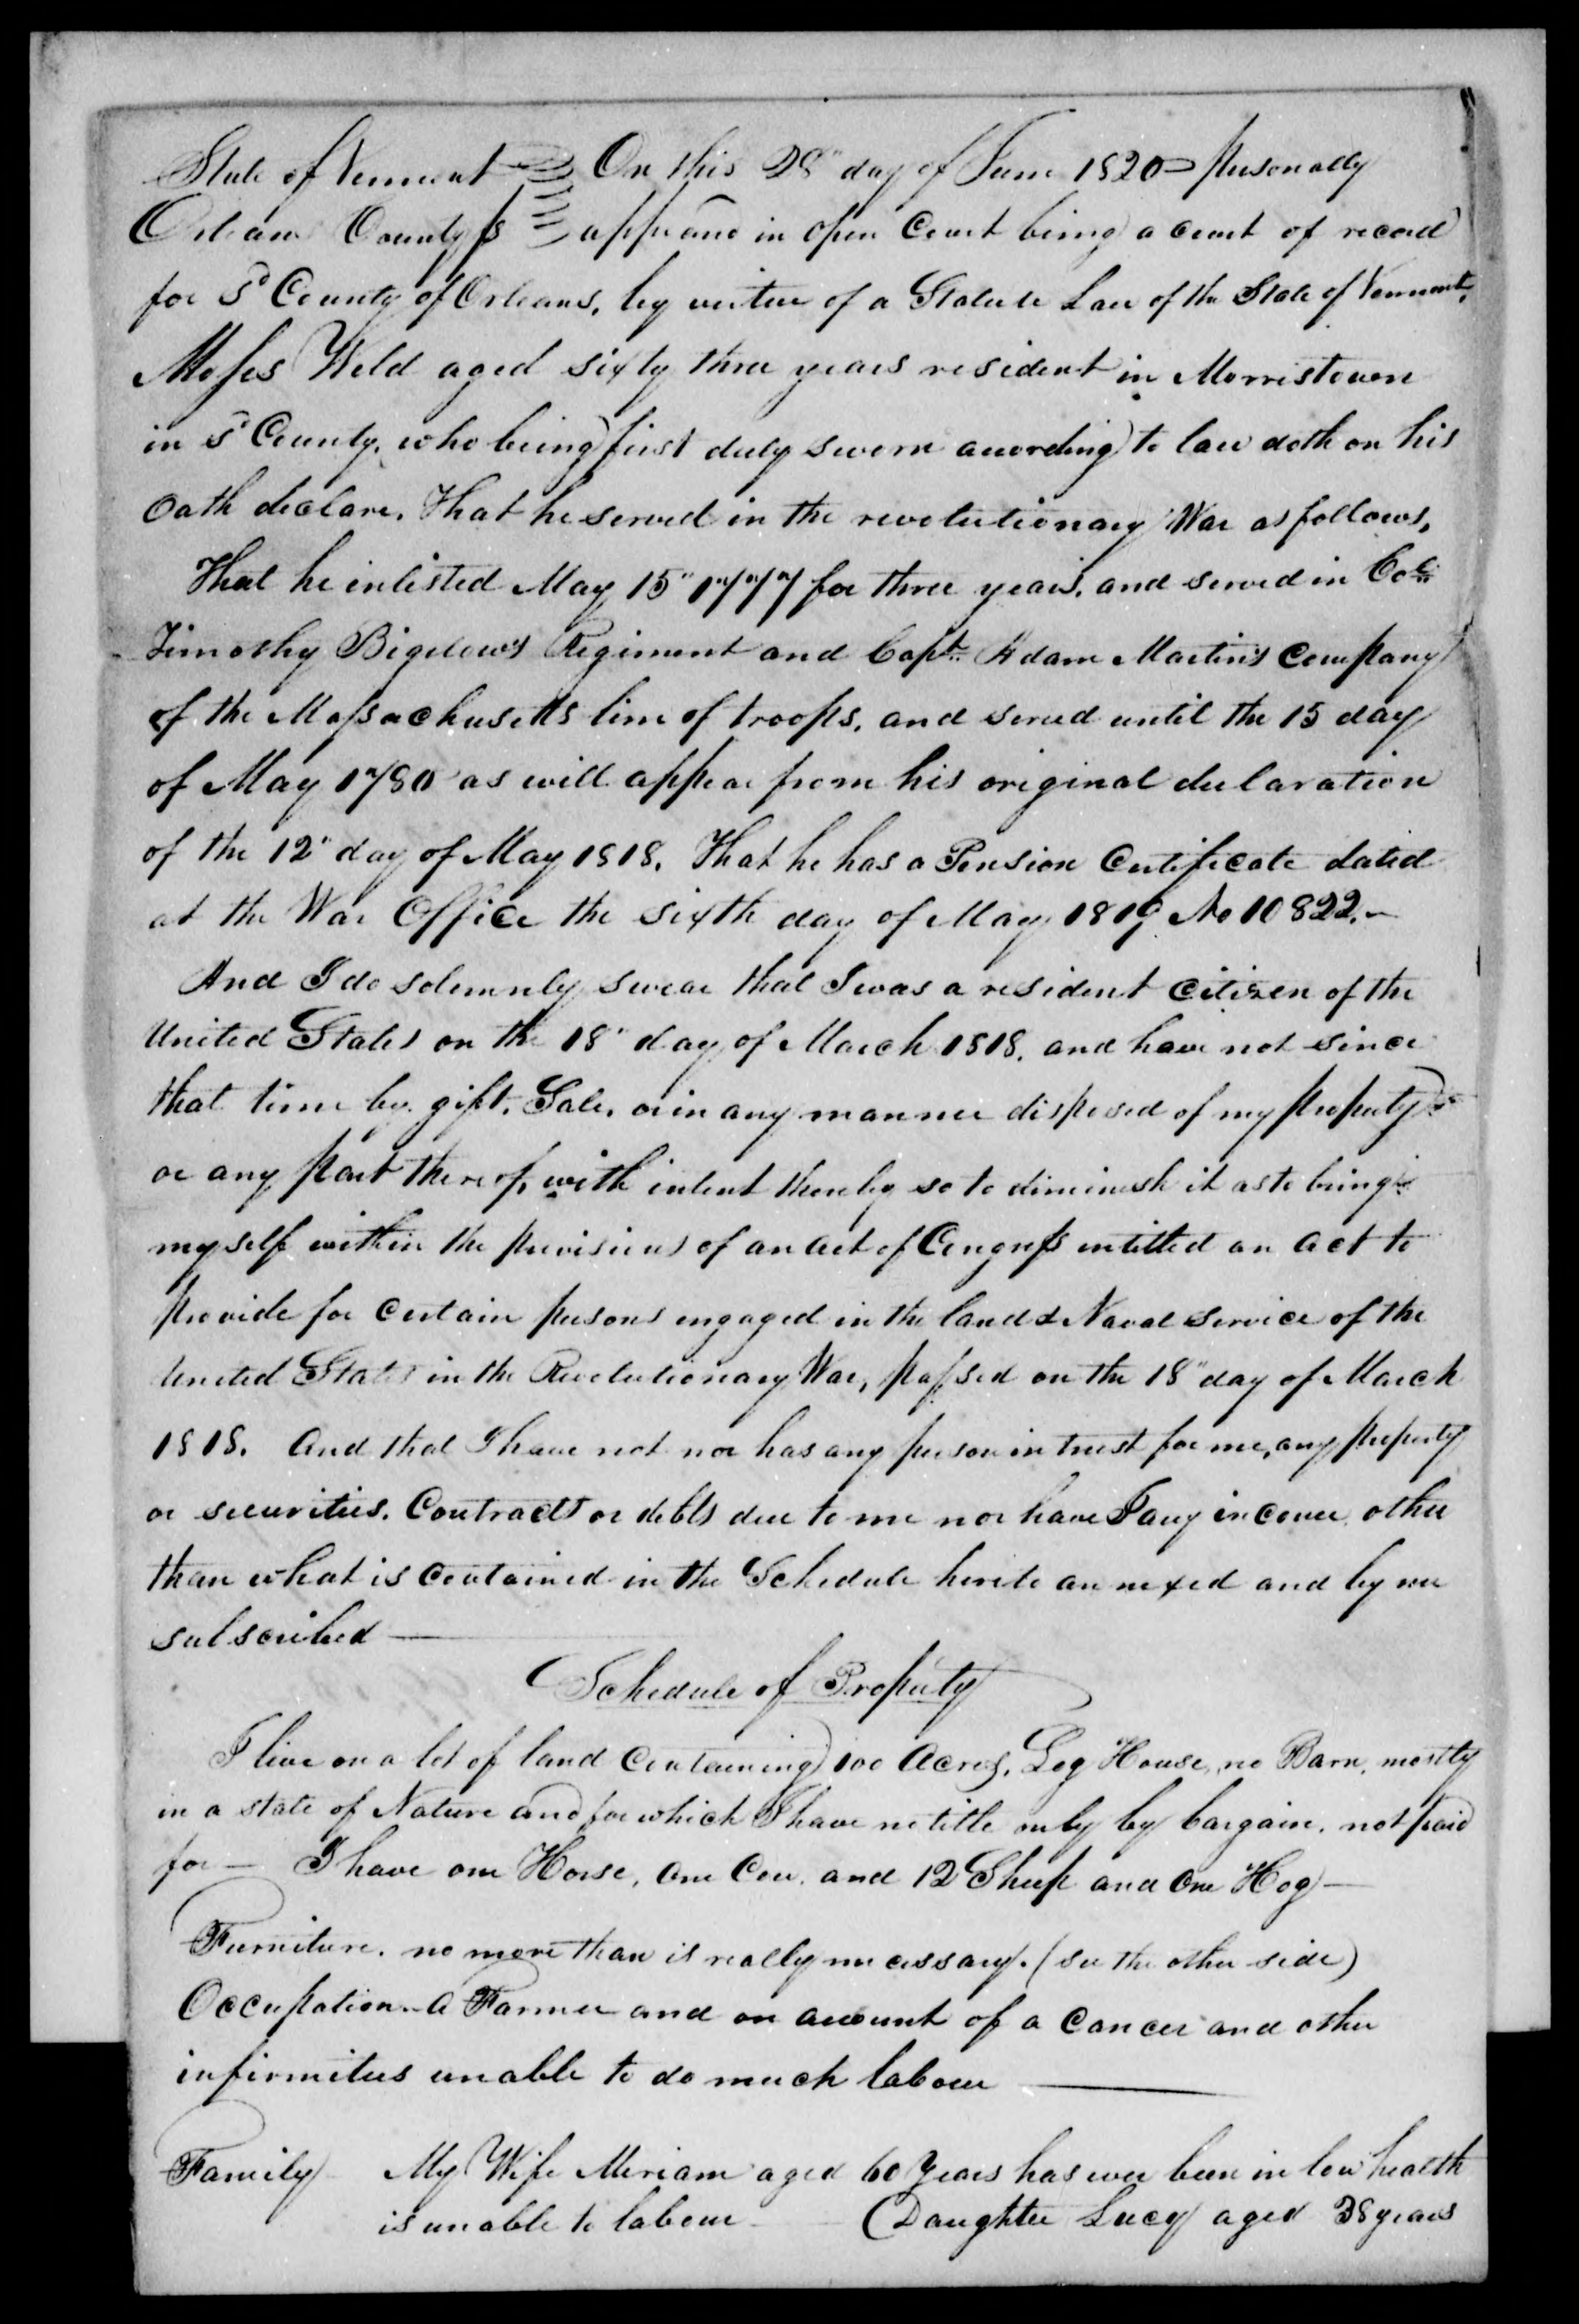State of Vermont 
Orleans County   ⎬ On this 28th day of June 1820 personally appeared in open Court being a court of record for sd County of Orleans, by virtue of a Statute Law of the State of Vermont,
Moses Weld aged sixty three years resident in Morristown in sd County, who being first duly sworn according to law doth on his Oath declare, that he served in the revolutionary War as follows,
That he enlisted May 15 1777 for three years, and served in Col Timothy Bigelow's Regiment and Capt. Adam Martin's company of the Massachusetts line of troops, and served until the 15 day of May 1780 as will appear from his original declaration of the 12 day of May 1818. That he has a Pension Certificate dated at the War Office the sixth day of May 1819 No 10822.-
And I do solemnly swear that I was a resident citizen of the United States on the 18th day of March 1818, and have not since that time by gift, Sale or in any manner disposed of my property or any part thereof, with intent thereby so to diminish it as to bring
myself within the provisions of an act of Congress entitled an Act to Provide for Certain Persons Engaged in the Land & Naval Service of the United States in the Revolutionary War, passed on the 18 day of March1818. And that I have not nor has any person in trust for me, any property or securities, contracts or debts due to me nor have I any income other
than what is contained in the Schedule hereto annexed and by me subscribed-
Schedule of Property
I live on a lot of land containing 100 acres, Log House, no Barn, mostly in a state of Nature and for which I have no title only by bargain, not paid for-- I have one Horse, one Cow and 12 Sheep and One Hog -
Furniture, no more than is really necessary. (see the other side)
Occupation a Farmer and on account of a Cancer and other infirmities unable to do much labour -
Family  My Wife Miriam aged 60 years has ever been in low health, is unable to labour
Daughter Lucy aged 38 years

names: Moses Weld, Miriam, Lucy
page: 85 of 87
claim: widow's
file: W. 25,966, Moses Weld, Mass.